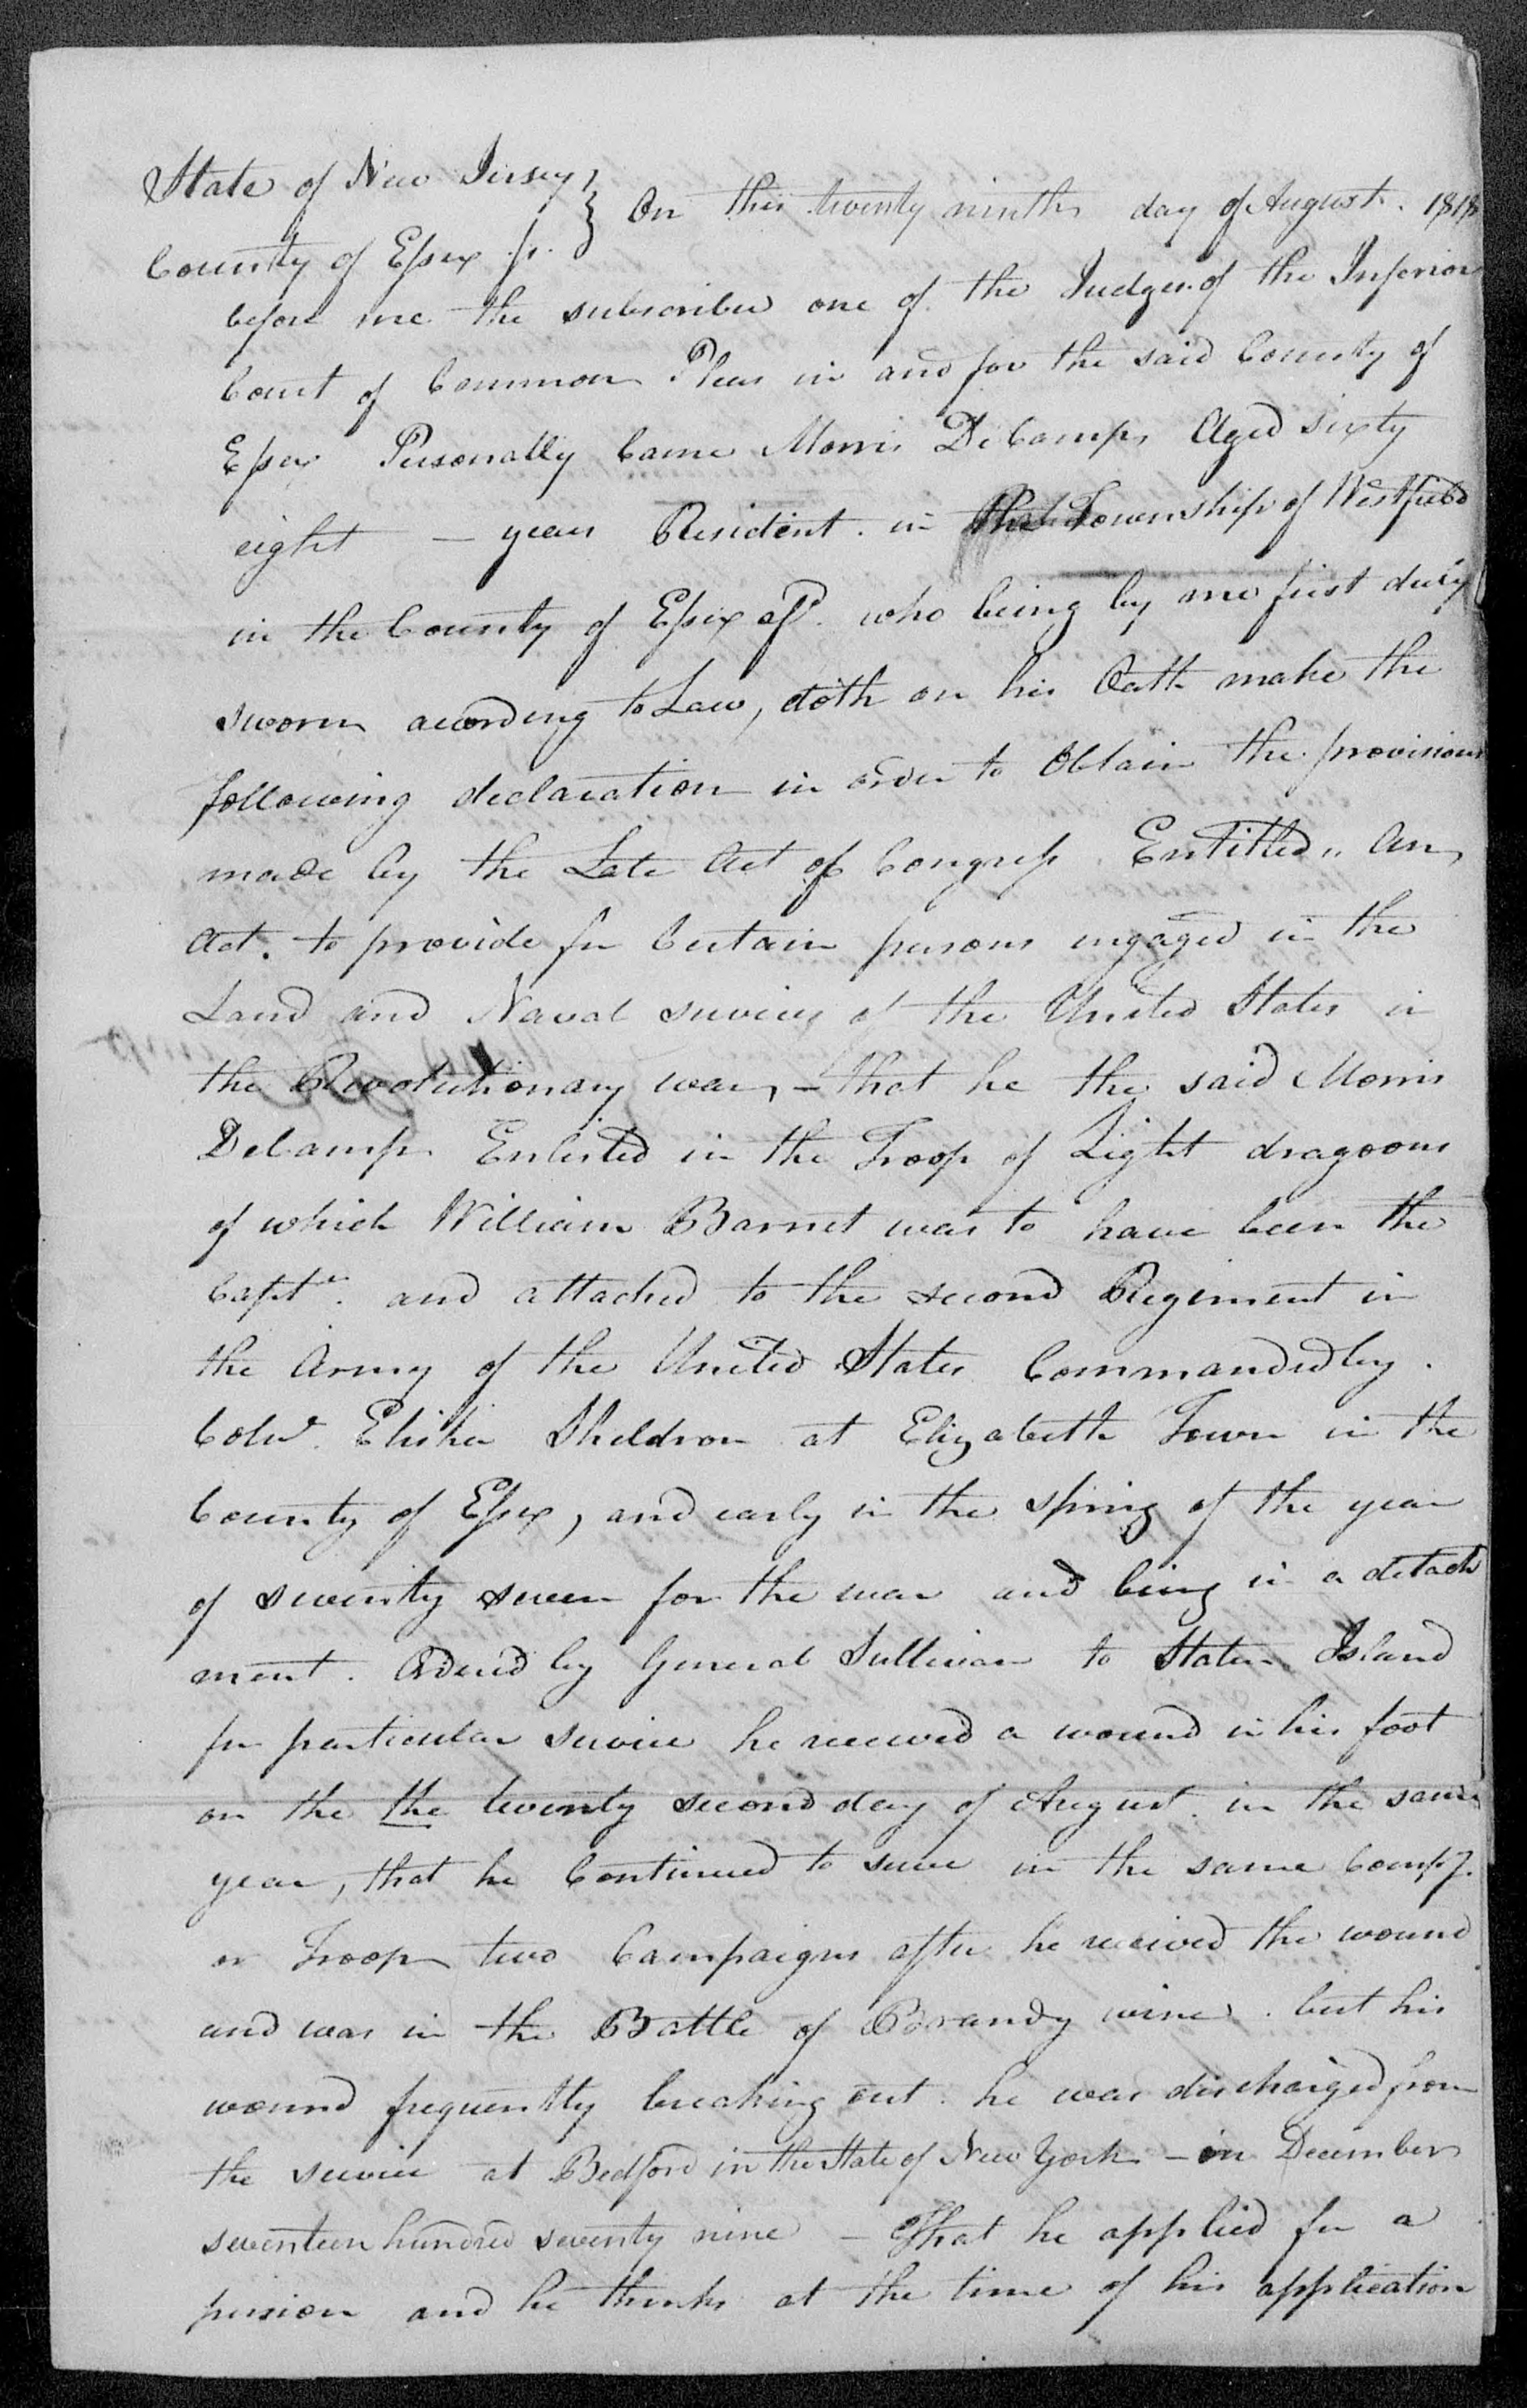State of New Jersey County of Essex Ss.}
On this twenty ninth day of August 1818 before me the subscriber one of the Judges of the Inferior Court of Common Pleas in and for the said County of Essex personally came Morris De Camp aged sixty eight years Resident in the Township of Westfield in the County of Essex afd. who being being first duly sworn according to Law, doth on his oath make the following declaration in order to obtain the provisions made by the Late act of Congress Entitled An act to provide for certain persons engaged in the Land and Naval services of the United States in the Revolutionary war - that he the said Morris DeCamp Enlisted in the Troop of Light dragoons of which William Barnet was to have been the Capt. and attached to the second Regiment in the Army of the United States Commanded by Col. Elisha Sheldon at Elizabeth Town in the County of Essex, and early in the Spring of the year of seventy seven for the war and being in a detachment Commd by General Sullivan to Staten Island for particular service he received a wound in his foot on the twenty second day of August in the same year, that he continued to serve in the same Company or troops two campaigns after he received the wound and was in the Battle of Brandy wine but his wound frequently breaking out and he was discharged from the service at Bedford in the State of New York in December seventeen hundred seventy nine - that he applied for a pension and he thinks at the time of his application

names: Sullivan, William Barnet, Elisha Sheldron, Morris De Camp, Morris De Camp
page: 6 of 52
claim: survivor's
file: S. 34172, Morris D Camp, Continental (New Jersey)